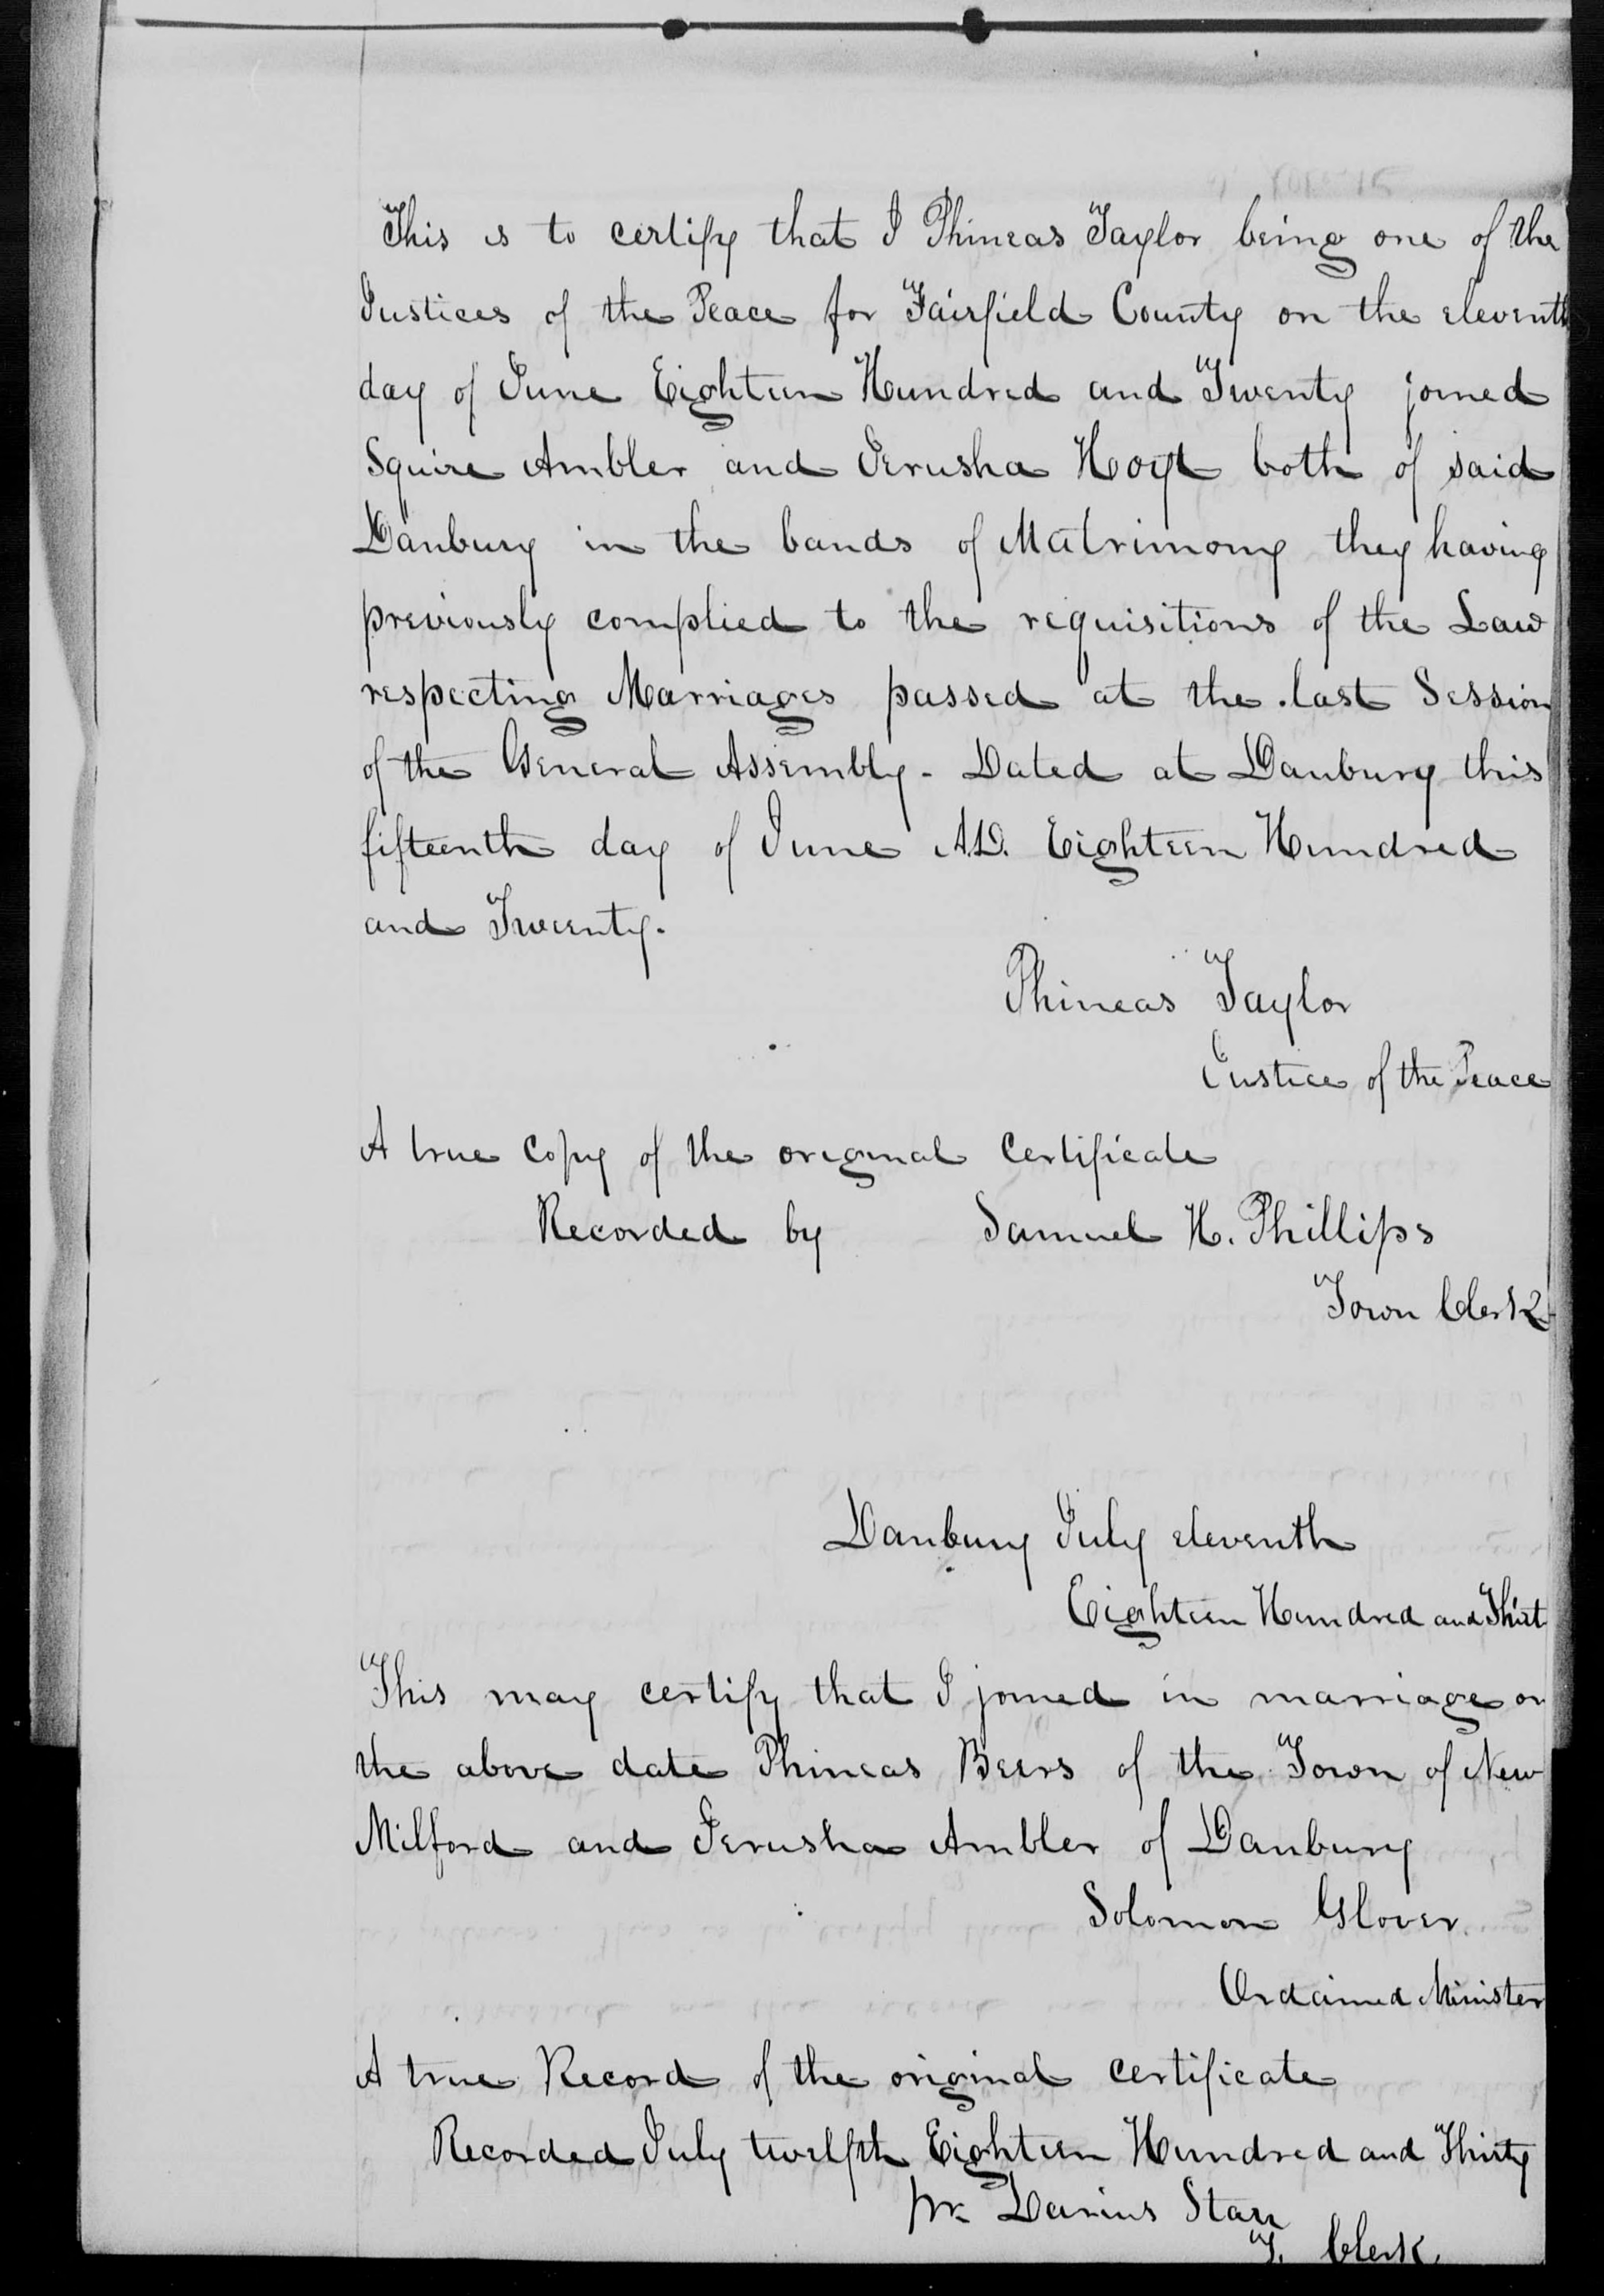This is to certify that I Phineas Taylor being one of the Justices of the Peace for Fairfield County on the eleventh day of June Eighteen Hundred and Twenty joined Squire Ambler and Jerusha Hoyt both of said Danbury in the bonds of Matrimony they having previously complied to the requisitions of the Law respecting Marriages passed at the last Session of the General Assembly. Dated at Danbury this fifteenth day of June A.D. Eighteen Hundred and  and Twenty 
Phineas Taylor 
Justice of the Peace

A true copy of the original certificate Recorded by Samuel H. Phillips Town Clerk 

Danbury July eleventh Eighteen Hundred and Thirty 
This may certify that I joined in marriage on the above date Phineas Beers of the Town of New Milford and Jerusha Ambler of Danbury 
Solomon Glover 
Ordained Minister 

A true Records of the original certificate Recorded July twelfth Eighteen Hundred and Thirty 
Mr. Darius Star 
T. Clerk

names: Davies Starr, Phineas Beers, Jerusha Ambler, Samuel H Phillips, Solomon Glover, Squire Ambler, Jerusha Hoyt, Phineas Taylor, Phineas Taylor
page: 19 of 39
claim: widow's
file: W. 2,056, Squire Ambler, Continental (Sol. Res. In N.Y. & Conn.)